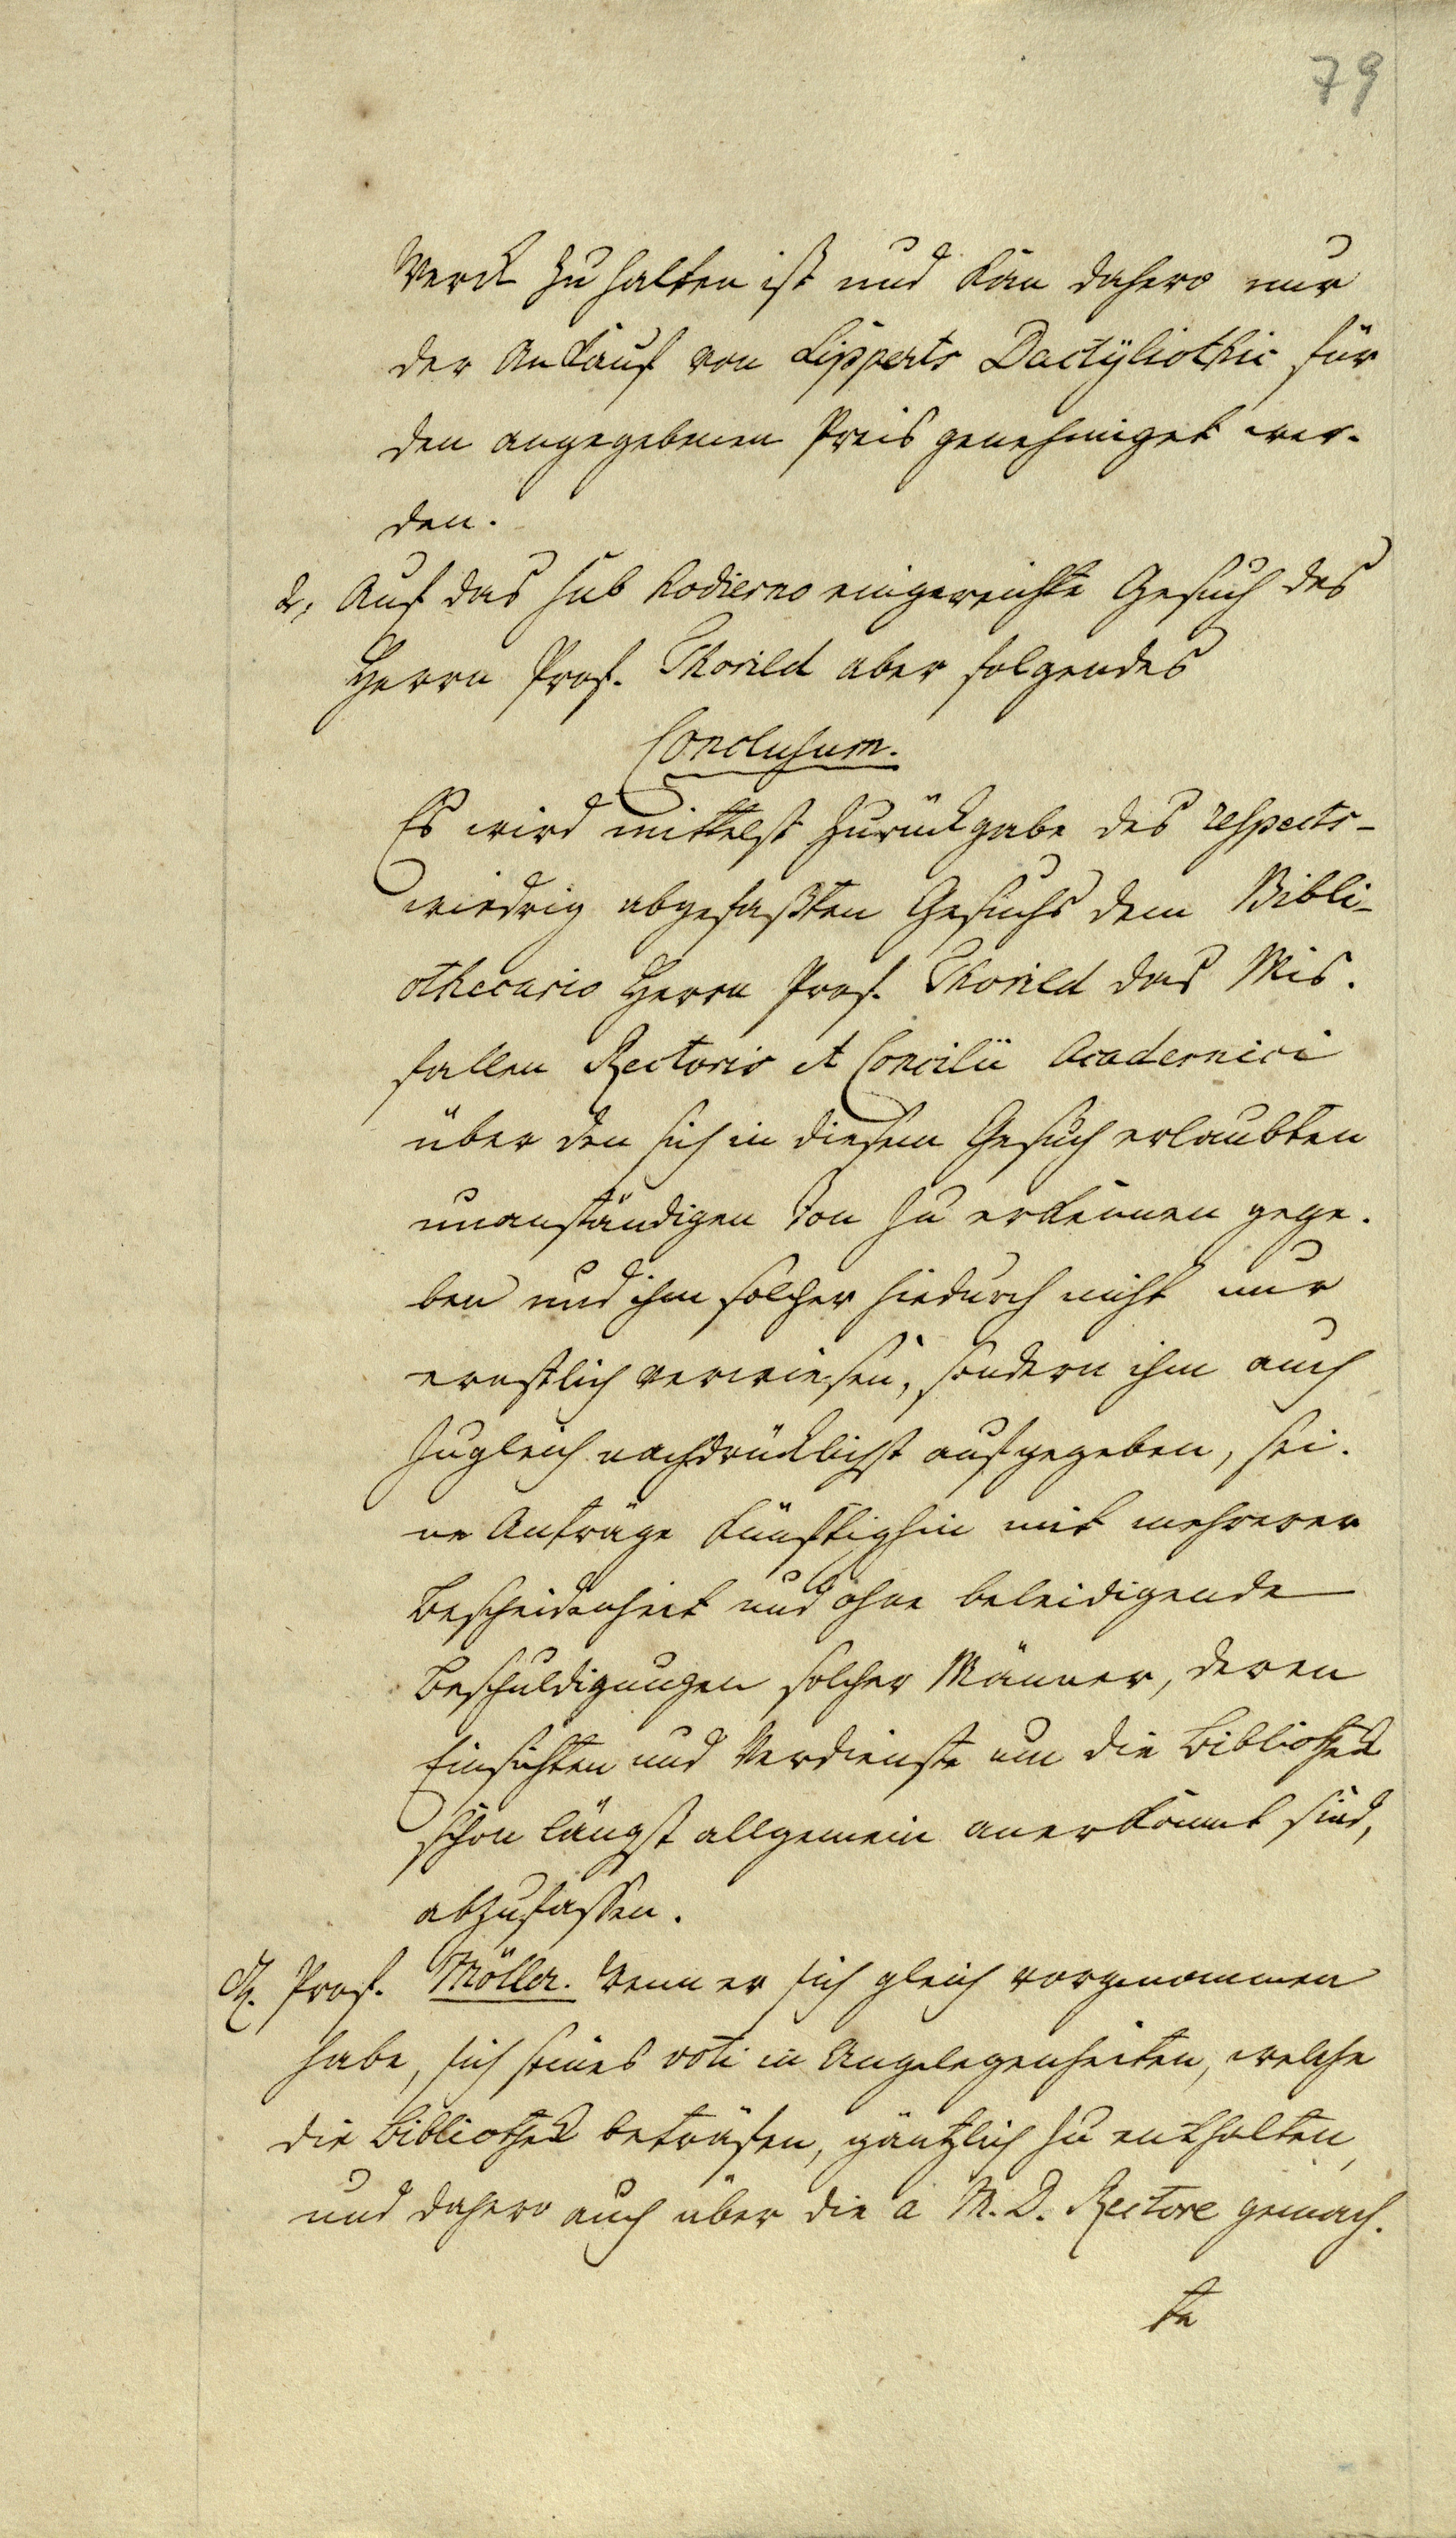Werck zu halten ist und kan dahero nur
der Ankauf von LippertsDactÿliothic für
den angegebenen Preis genehmiget wer¬
den.
2, Auf das sub hodierno eingereichte Gesuch des
Herrn Prof. Thorild aber folgendes
Conclusum.
Es wird mittelst Zurückgabe des respects¬
wiedrig abgefaßten Gesuchs dem Bibli
othecario Herrn Prof. Thorild das Mis¬
fallen Rectoris et Concilii Academici
über den sich in diesem Gesuch erlaubten
unanständigen Ton zu erkennen gege¬
ben und ihm solcher hiedurch nicht nur
ernstlich verwiesen, sondern ihm auch
zugleich nachdrücklichst aufgegeben, sei¬
ne Anträge künftighin mit mehrerer
Bescheidenheit und ohne beleidigende
Beschuldigungen solcher Männer, deren
Einsichten und Verdienste um die Bibliothek
schon längst allgemein anerkannt sind,
abzufassen.
dh. Prof. Möller. Wenn er sich gleich vorgenommen
habe, sich seines voti in Angelegenheiten, welche
die Bibliothek beträfen, gäntzlich zu enthalten,
und dahero auch über die a M. D. Rectore gemach¬
te